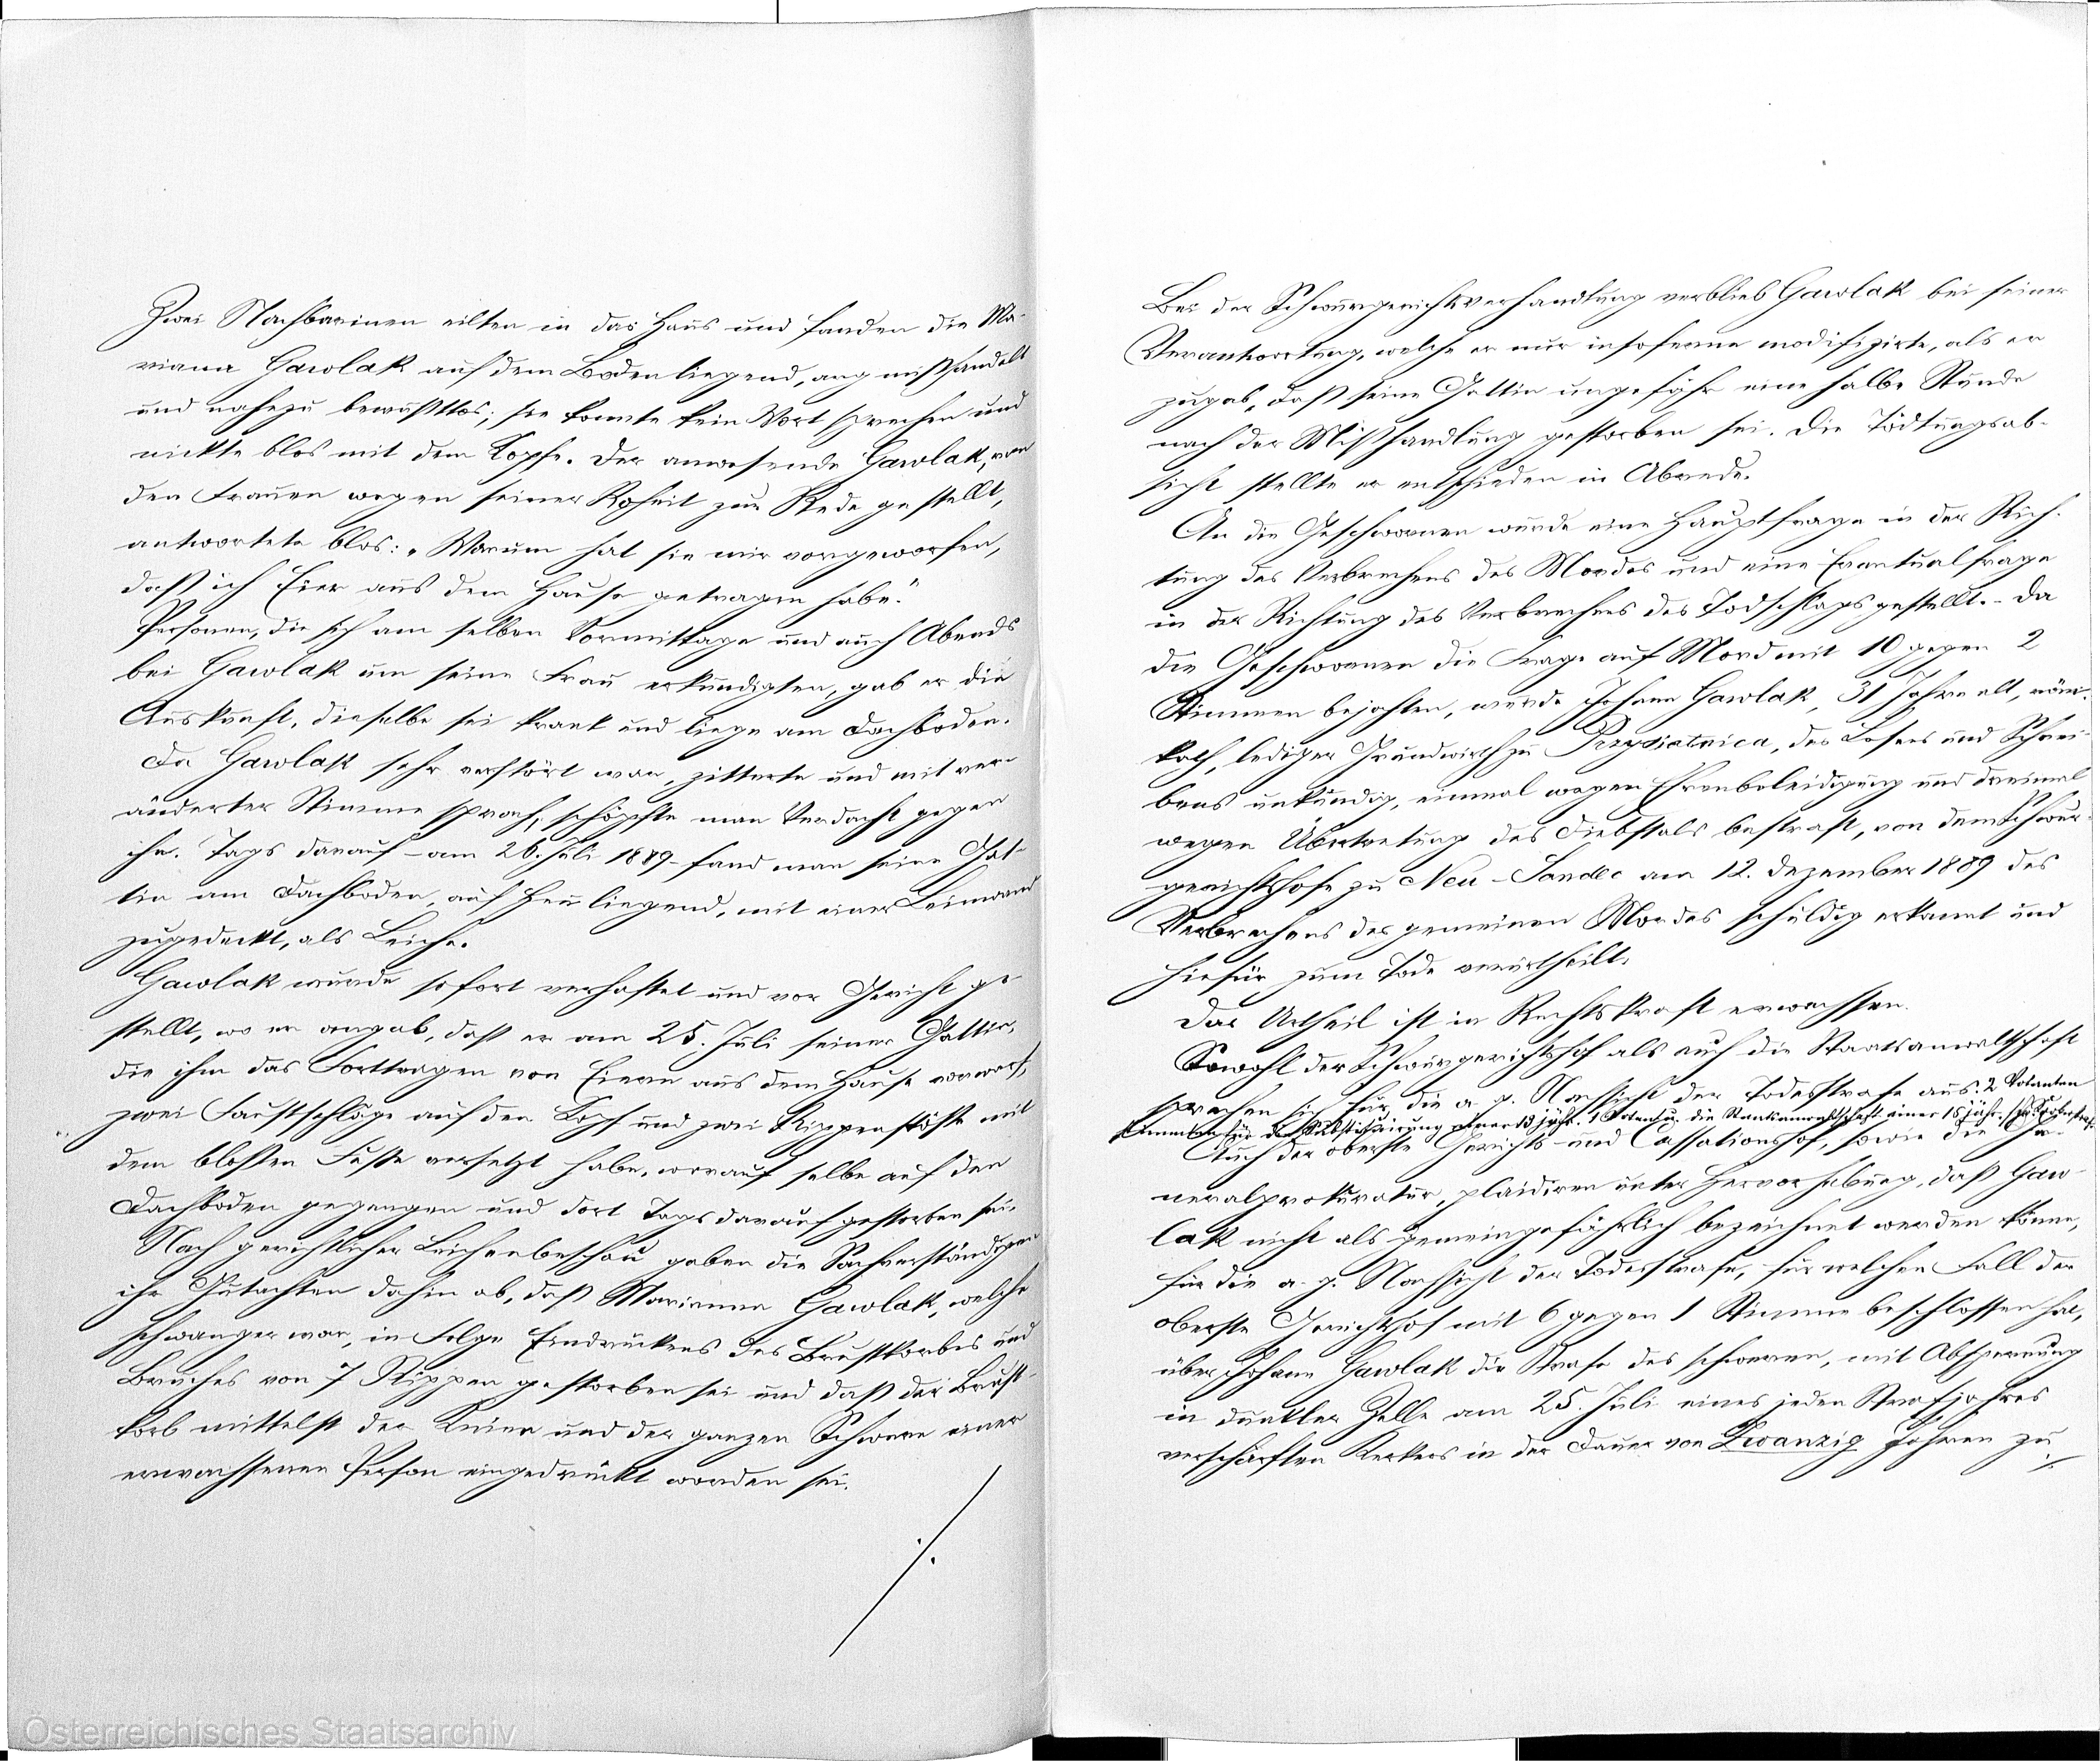Zwei Nachbarinen eilten in das Haus und fanden die Ma¬
riana Gawlak auf dem Bodenliegend, argmißhandelt
und nahezu bewußtlos; sie konnte kein Wortsprechen und
nickte blos mit dem Kopfe. Der anwesende Gawlak, von
den Frauen wegen seiner Roheit zum Rede gestellt,
antwortete blos: „Warum hat sie mir vorgeworfen,
daß ich Eier aus dem Hause getragen habe.“
Personen, die sich am selben Vormittage und auch Abends
bei Gawlak um seine Frau erkundigten, gabs er die
Auskunft, dieselbe sei krank und liege am Dachboden.
Da Gawlak sehr verstört war, zitterte und mit ver¬
änderter Stimme sprach, schöpfte man Verdacht gegen
ihn. Tags darauf - am 26. Juli 1889 - fand man seine Gat¬
tin am Dachboden, auf Heuliegend, mit einer Leinwand
zugedeckt, als Leiche.
Gawlak wurde sofort verhaftet und vor Gericht ge¬
stellt, wo er angab, daß er am 25. Juli seiner Gattin,
die ihm das Forttragen von Eiern aus dem Hause vorwarf,
zwei Faustschläge auf den Kopf und zwei Rippenstöße mit
dem bloßen Fuße versetzt habe, worauf selbe auf den
Dachboden gegangen und dort Tags darauf gestorben sei.
Nach gerichtlicher Leichenbeschau geben die Sachverständigen
ihr Gutachten dahin ab, daß Marianne Gawlak, welche
schwanger war, in Folge Eindrückens des Brustkorbes und
Bruches von 7 Rippen gestorben sei und daß der Brust¬
korb mittelst der Beine und der ganzen Schwere einer
erwachsenen Person eingedrückt worden sei.
Bei der Schwurgerichtverhandlung verblieb Gawlak bei seiner
Verantwortung, welche er nur insofernemodifizirte, als er
zugab, daß seineGattin ungefähr eine halbe Stunde
nach der Mißhandlung gestorben sei. Die Tödtungsab¬
sicht stellte er entschieden in Abrede.
An die Geschwornen wurde eine Hauptfrage in der Rich¬
tung des Verbrechens des Mordes und eine Eventualfrage
in der Richtung des Verbrechens des Todschlags gestellt.- Da
die Geschwornenr die Frage auf Mord mit 10 gegen 2
Stimmen bejahten, wurde Johann Gawlak, 31 Jahre alt, röni¬
kath, lediger Grundwirth zu Przysiatnica, des Lesens und Schrei¬
bens unkundig, einmal wegen Ehrenbeleidigung und dreimal
wegen Übertretung des Diebstals bestraft, von dem Schwur¬
gerichtshofe zu Neu - Sandlo am 12. Dezember 1889 des
Verbrechens des gemeinen Mordes schuldig erkannt und
hiefür zum Tode verurtheilt.
Das Urtheil ist in Rechtskraft erwachsen.
Sowohl der Schwurgerichtshof als auf die Staatsanwaltschaft
sprechen sich für die a. p. Nachsicht der Todesstrafe aus. 2 Votanten
stimmten für die Substituirung einer 13 jähr. 1 Votantu. die Staatsanwaltschaft einer 15jähr. schw. Kerkerhaft
Auch der oberste Gerichts- und Cassationshof, sowie die Ge¬
neralprokuratur, plaidiren unter Hervorhebung, daß Gaw¬
lak nicht als Gemeingefährlich bezeichnet werden könne,
für die a. p. Nachsicht der Todesstrafe, für welchen Fall der
oberste Gerichtshof mit 6 gegen 1 Stimme beschlossen hat,
über Johann Gawlak die Strafe des schweren, mit Absperrung
in dunkler Zelle am 25. Juli eines jeden Strafjahres
verschärften Kerkers in der Dauer von Zwanzig Jahren zu